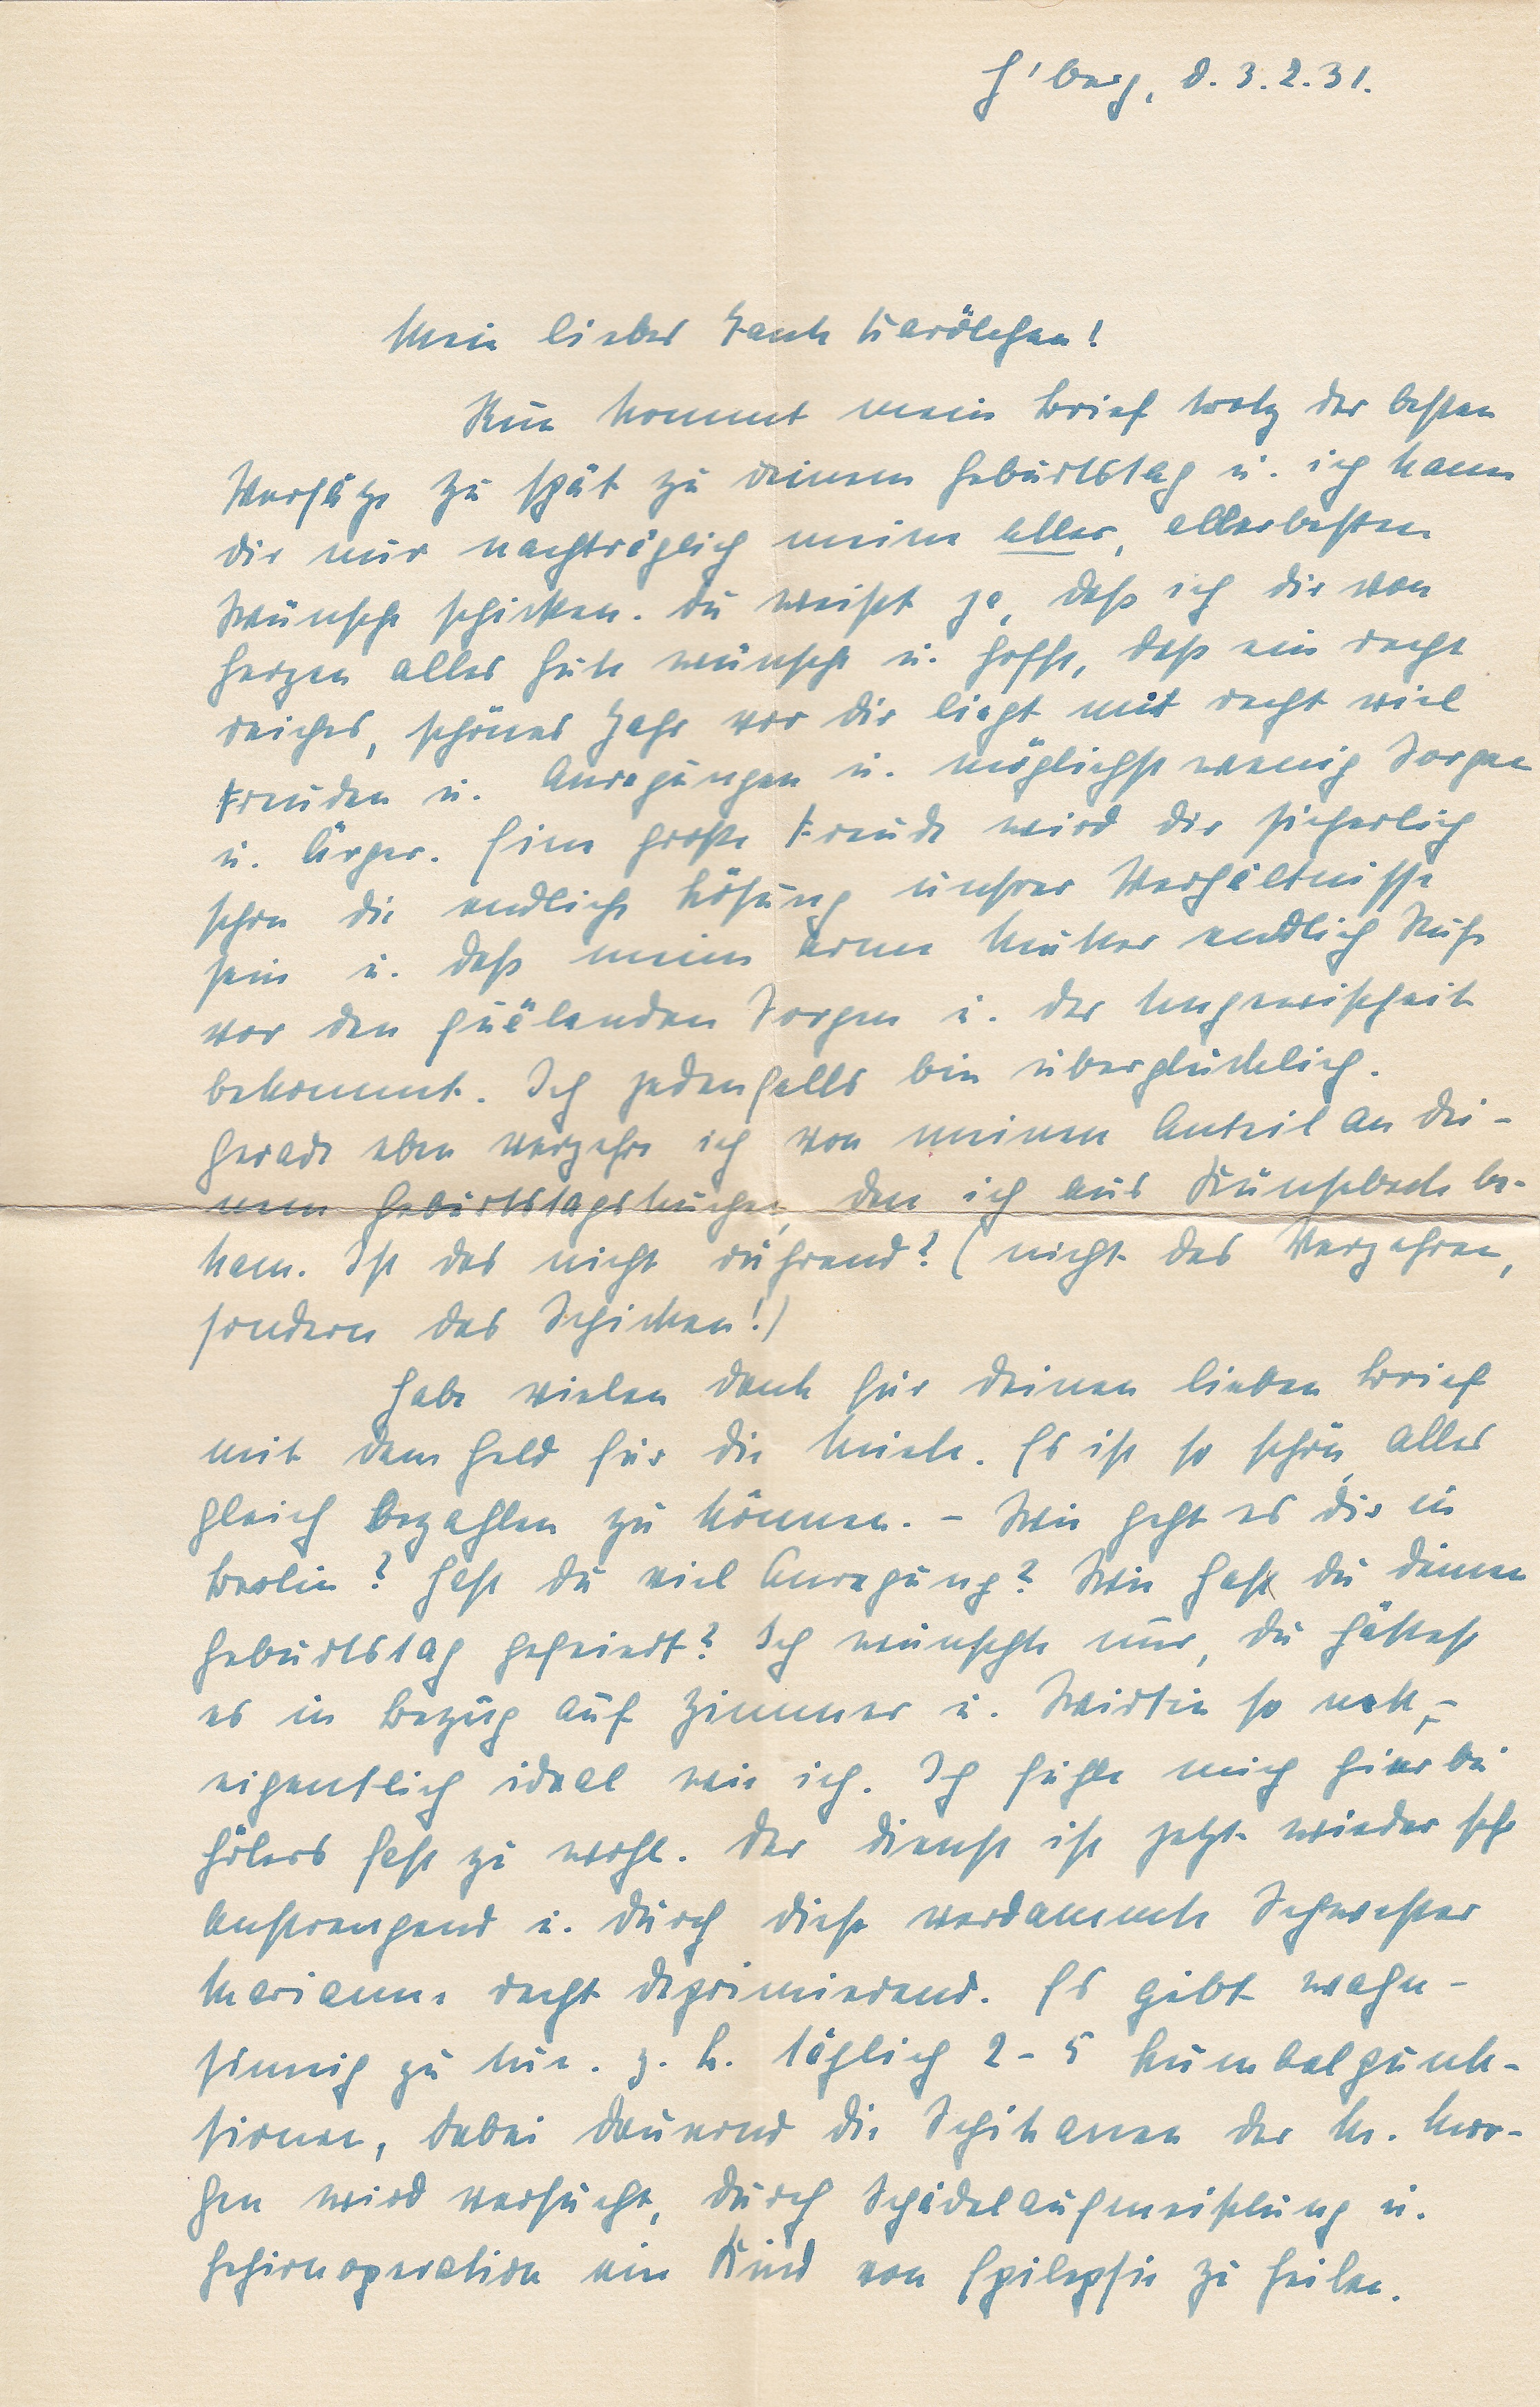Mein liebes Tant Carölchen!
Hier kommt mein Brief trotz der Oster
Hetze zu spät zu deinem Geburtstag u. ich kann
dir nur nachträglich weiter aller, allerbesten
Wünsche schicken. Du weißt ja, daß ich dir von
Herzen alles Gute wünsche u. hoffe, das ein recht
reiches, schönes Jahr vor dir liegt mit recht viel
Freude u. Anregungen u. möglichst wenig Sorgen
u. Ärger. Eine große Freude wird Dir sicherlich
schon die endliche Lösung unserer Verhältnisse
sein u. daß meine arme Mutter endlich Ruhe
vor den quälenden Sorgen u. der Ungewißheit
bekommt. Ich jedenfalls bin überglücklich.
Grad eben verzehre ich von meinem Anteil an dei¬
nem Geburtstagskuchen den ich aus Künsebeck be¬
kam. Ist das nicht rührend? (nicht das Marzipan,
sondern des Schinkens)
Hab vielen Dank für Deinen lieben Brief
mit dem Geld für die Kinder. Es ist so schön alles
gleich bezahlen zu können. - Wie geht es Dir in
Berlin? Hast du viel Anregung? Wie hast Du Deinen
Geburtstag gefeiert? Ich wünschte nur, Du hättest
es in Bezug auf Zimmer i. Wirtin so wohl
eigentlich ideal wie ich. Ich fühle mich hier bei
Gerhard fast zu wohl. Der Dienst ist jetzt wieder sehr
anstrengend u. durch diese verdammte Schwester
Marianne recht deprimierend. Es gibt wahn-
sinnig zu tun. z. B. täglich 2 - 5 kur u. balgu ak-
tionen, dabei dauernd die Schikanen der k. kro
hen wird versucht, durch Schädelaufmeißelung u.
Gehirnoperation ein Kind von Epilepsie zu heilen.